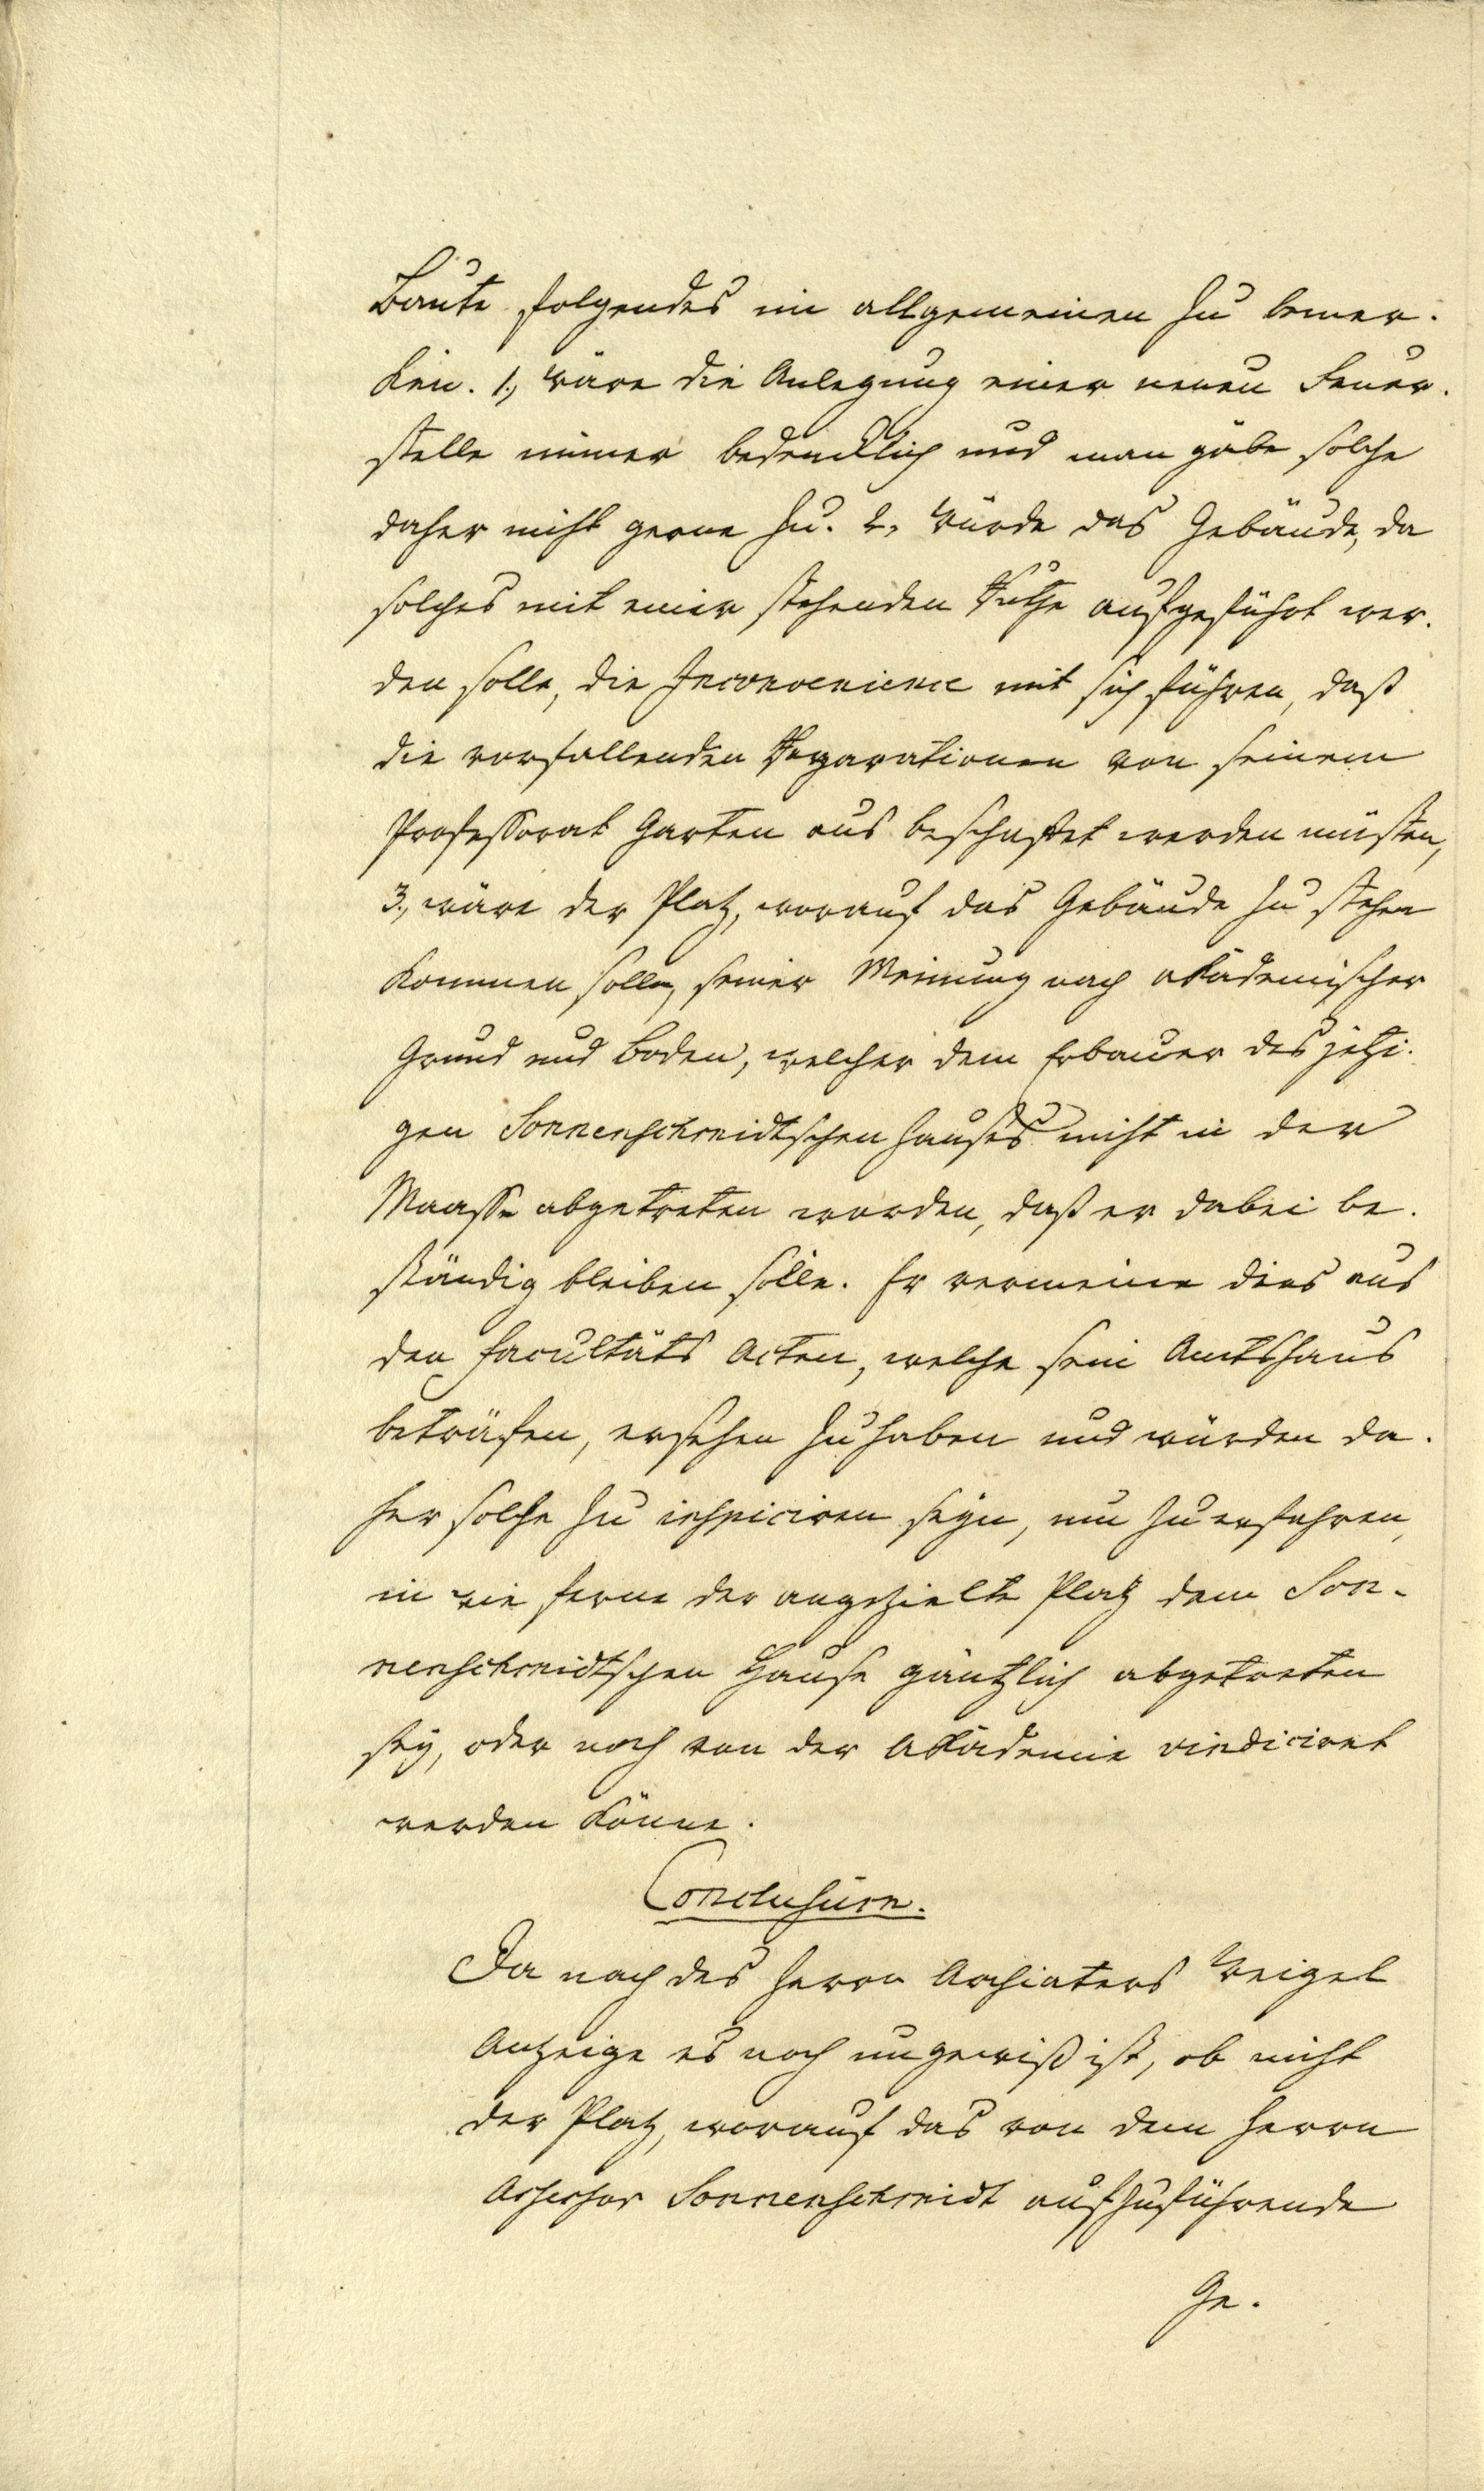Baute folgendes im allgemeinen zu bemer¬
ken. 1., Wäre die Anlegung einer neuen Feuer¬
stelle immer bedencklich und man gäbe solche
daher nicht gerne zu. 2., Würde das Gebäude, da
solches mit einer stehenden Ruthe aufgeführt wer¬
den solle, die Inconvenience mit sich führen, daß
vorfallenden Reparationen von seinem
Professorat Garten aus beschafet werden müsten,
3. wäre der Platz, worauf das Gebäude zu stehen
kommen solle, seiner Meinung nach akademischer
Grund und Boden, welcher dem Erbauer des jetzi¬
gen Sonnenschmidtschen Hauses nicht in der
Maasse abgetreten worden, daß er dabei be¬
ständig bleiben solle. Er vermeine dies aus
den Facultäts Acten, welche sein Amtshaus
beträfen, ersehen zu haben und würden da¬
her solche zu inspiciren seÿn, um zu erfahren,
in wie ferne der angezielte Platz dem Son¬
nenschmidtschen hause gäntzlich abgetreten
seÿ, oder noch von der Akademie vindiciret
werden könne.
Conclusum
Da nach des herrn Archiaters Weigel
Anzeige es noch ungewiß ist, ob nicht
der Platz, worauf das von dem herrn
Assessor Sonnenschmidt aufzuführende
Ge.